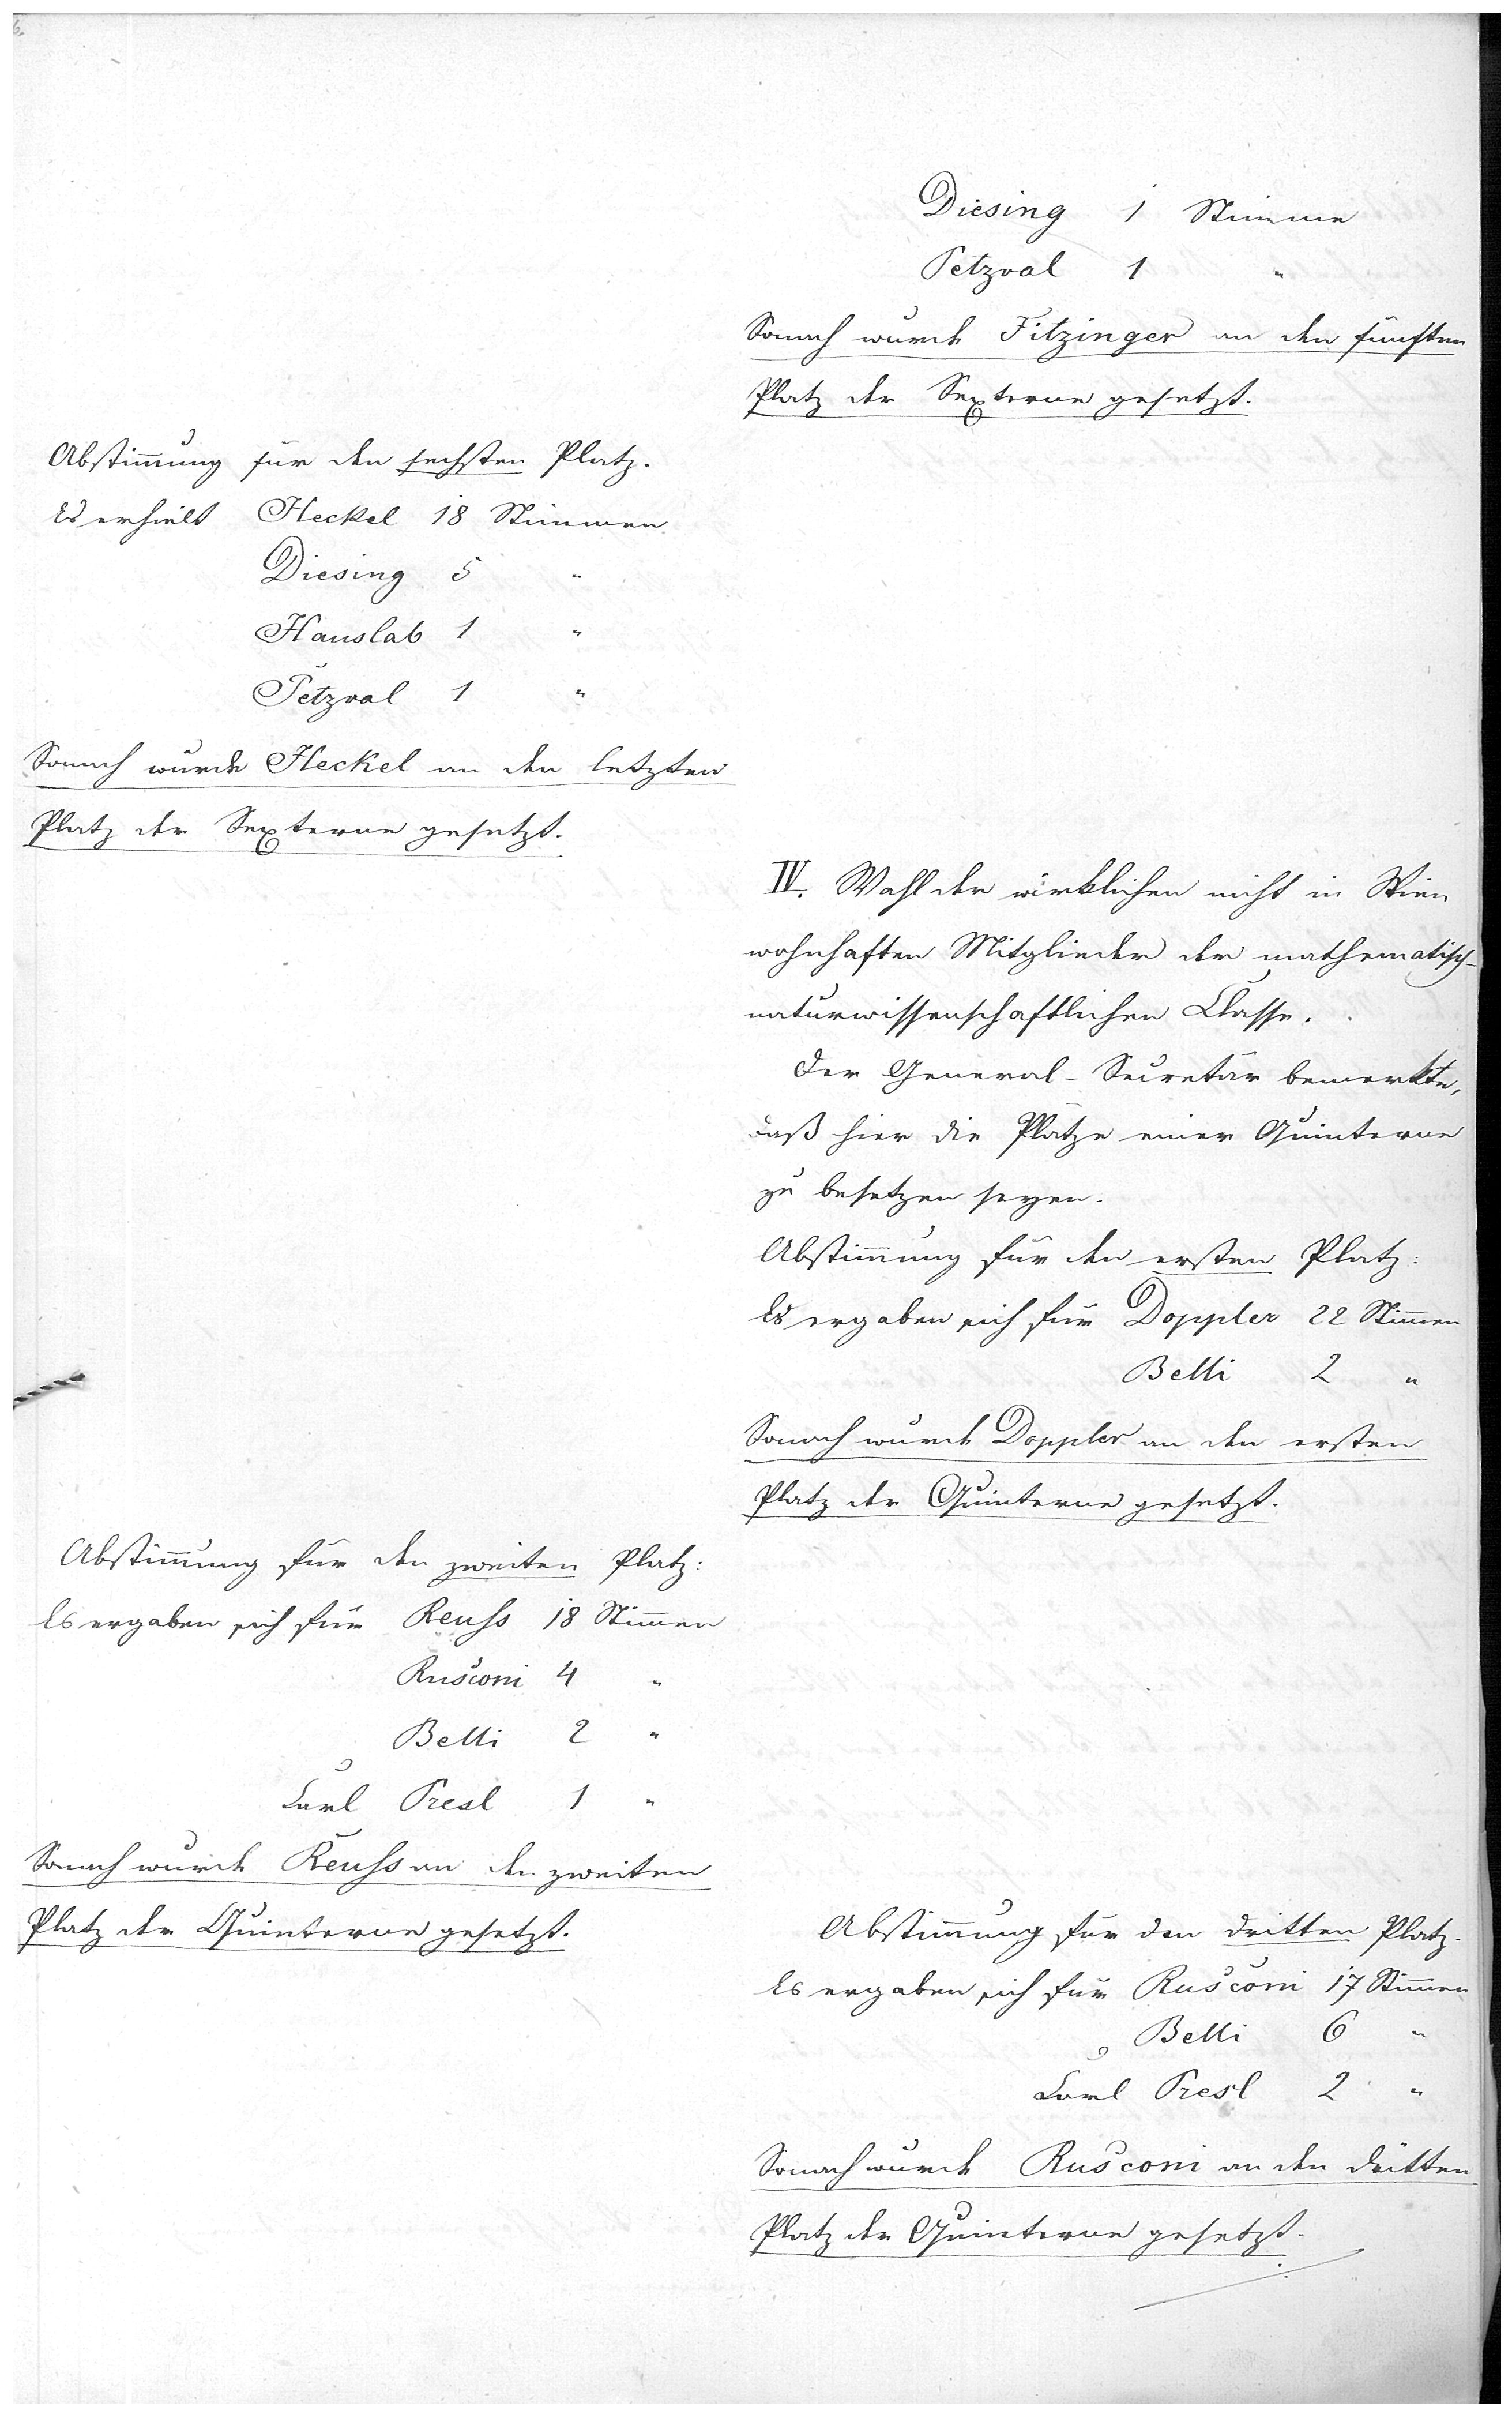Diesing 1 Stimme
Petzval 1 "
Sonach wurde Fitzinger an den fünften
Platz der Sexterne gesetzt.
Abstimmung für den sechsten Platz.
Es erhielt Heckel 18 Stimmen
Diesing 5 "
Hauslab 1 "
Petzval 1 "
Soanch wurde Heckel an den letzten
Platz der Sexterne gesetzt.
IV. Wahl der wirklichen nicht in Wien
wohnhaften Mitgleider der mathematisch-
naturwissenschaftlichen Classe.
Der General-Secretär bemerkte,
daß hier die Plätze einer Quinterne
zu besetzen seyen.
Abstimmung für den ersten Platz:
Es ergaben sich für Doppler 22 Stimmen
Belli 2 "
Sonach wurde Doppler an den ersten
Platz der Quinterne gesetzt.
Abstimmung für den zweiten Platz:
Es ergaben sich für Reuss 18 Stimmen
Rusconi 4 "
Beli 2 "
Carl Presl 1 "
Sonach wurde Reuss an den zweiten
Platz der Quinterne gesetzt.
Abstimmung für den dritten Platz.
Es ergaben sich für Rusconi 17 Stimmen
Belli 6 "
Carl Presl 2 "
Sonach wurde Rusconi an den dritten
Platz der Quinterne gesetzt.